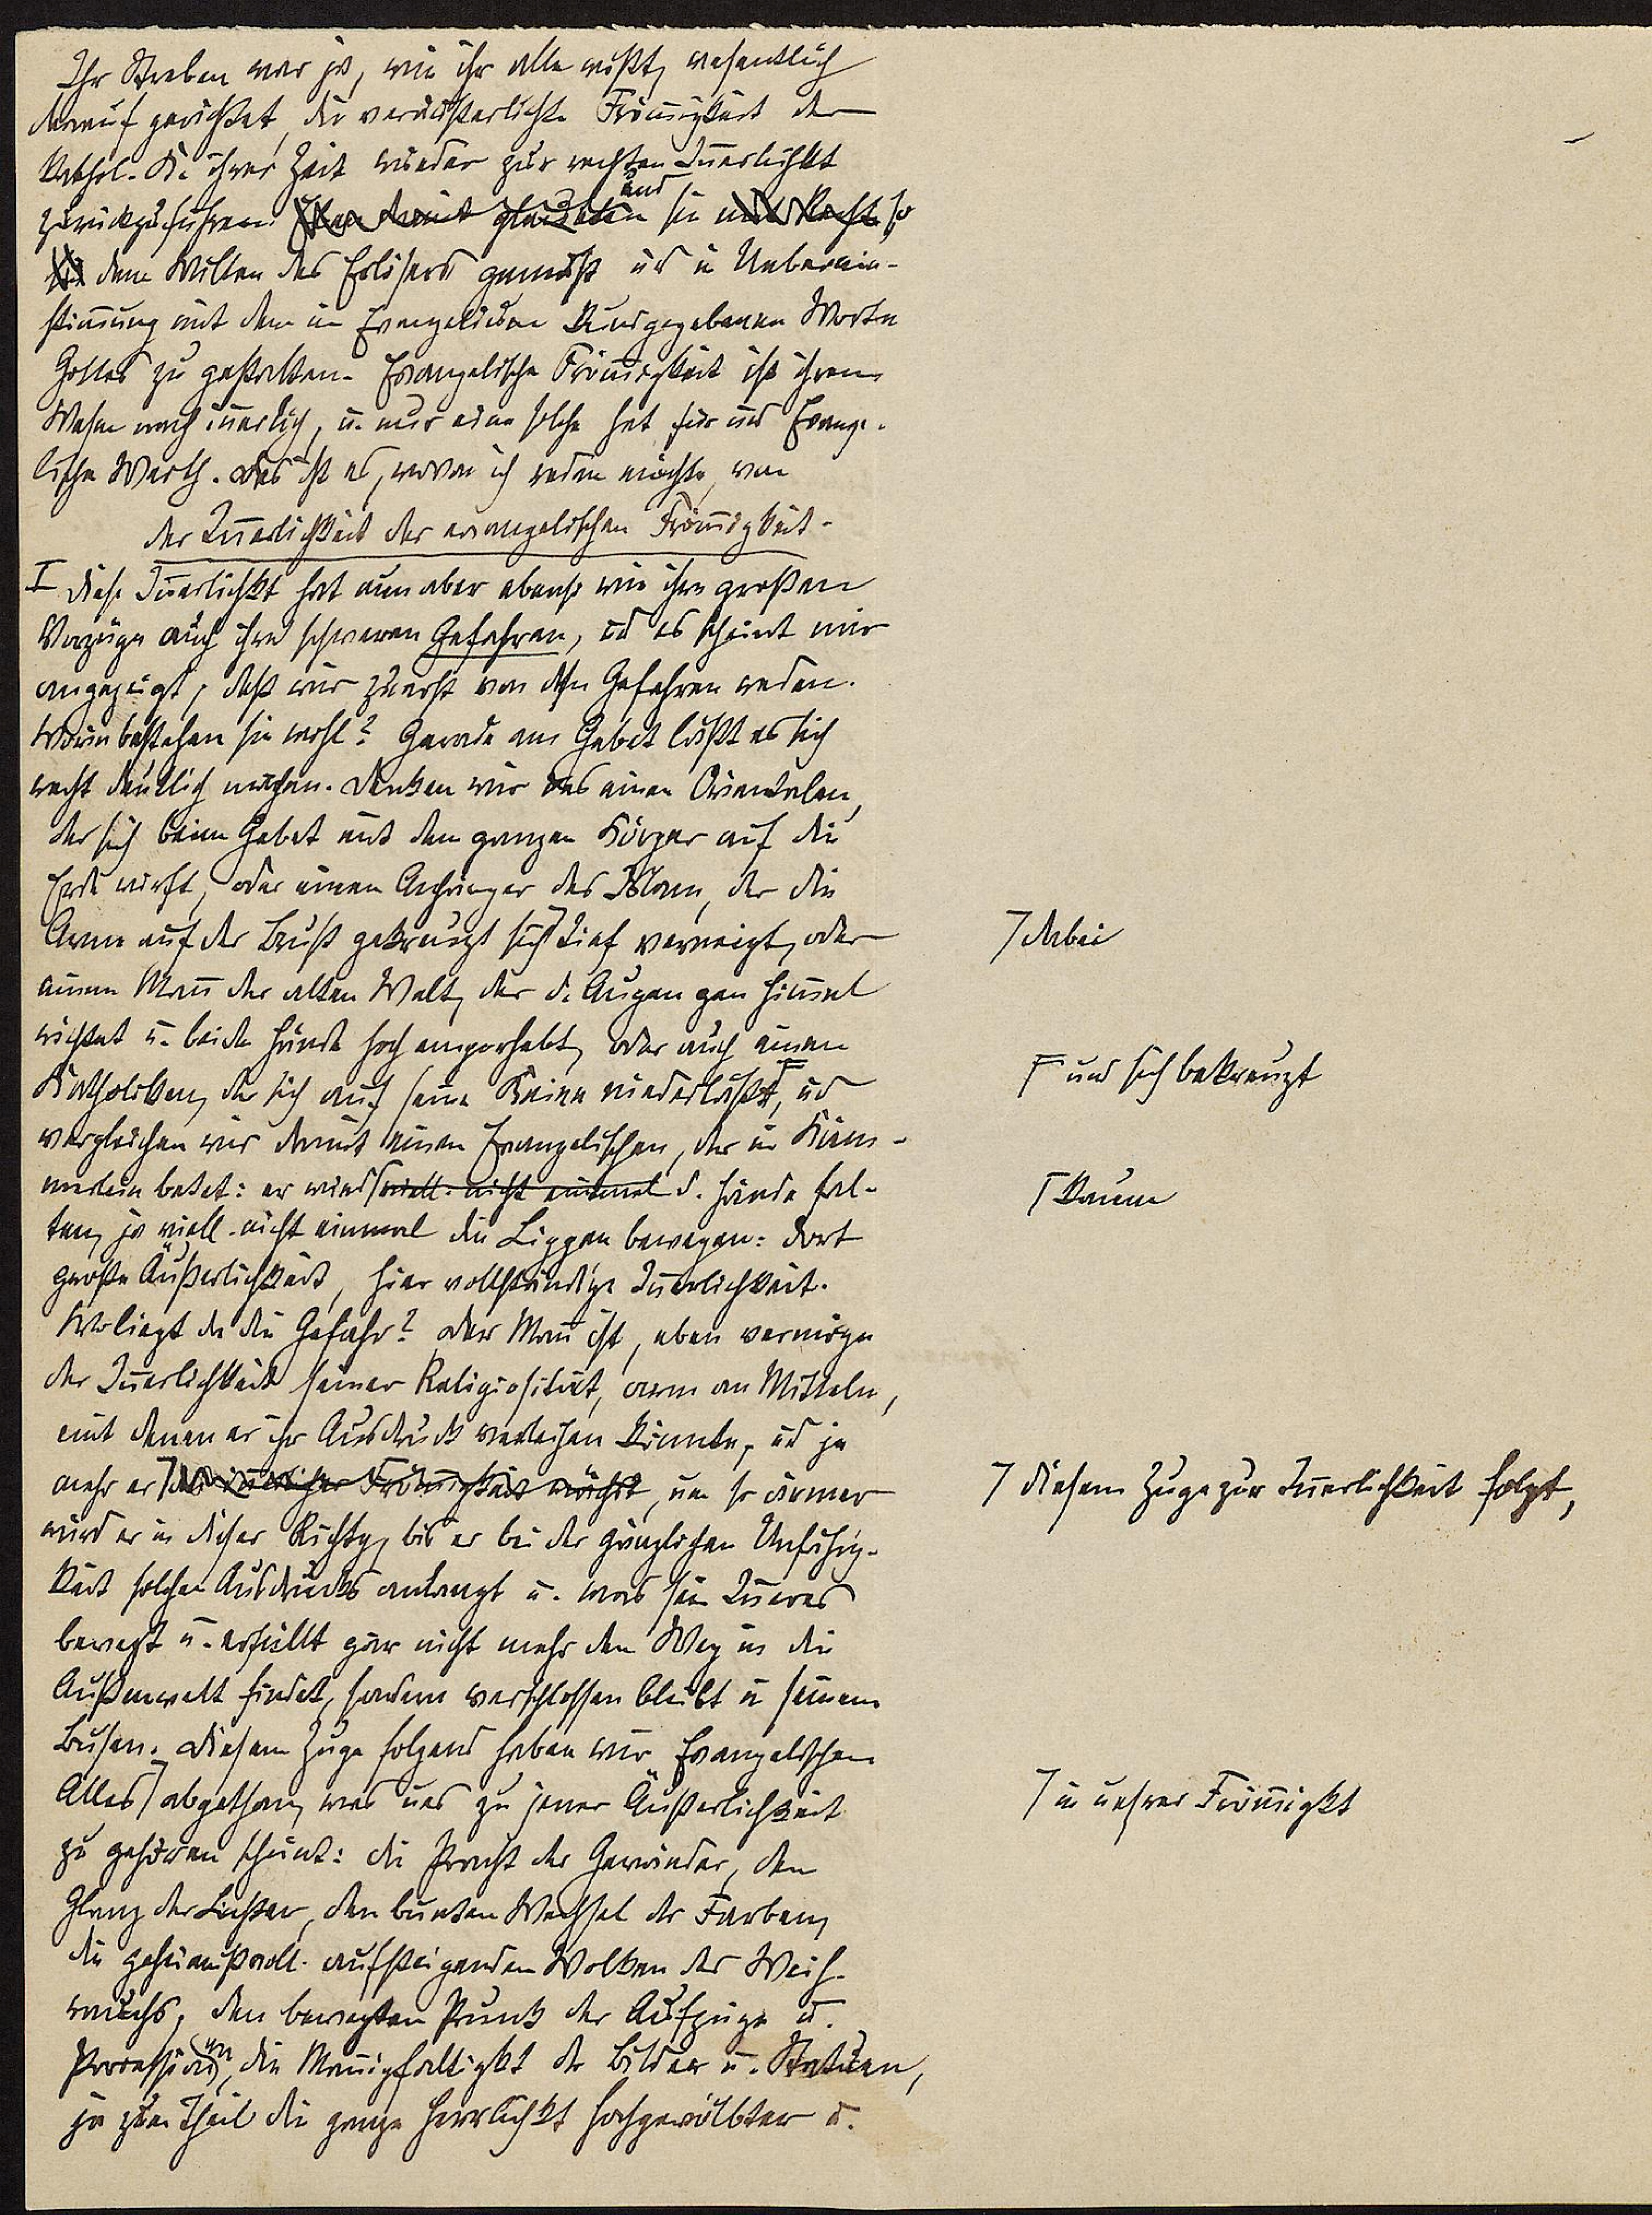Ihr Streben war ja, wie ihr alle wißt, wesentlich
darauf gerichtet, die veräußerlichte Frömigkeit der
kathol. K. ihrer Zeit wieder zur rechten Inerlichkeit
und
zurückzuführen. Eben damit glauben sie mit Recht so
für dem Willen des Erlösers gemäß und in Ueberein¬
stimmung mit dem im Evangelischen kundgegebenen Worte
Gottes zu gestatlten. Evangelische Frömigkeit ist ihrem
Wesen nach inerlich, u. nur eine solche hat für uns Evange¬
lische Werth. Das ist es, wovon ich reden möchte, von
der Inerlichkeit der evangelischen Frömigkeit.
I Diese Inerlichkt hat nun aber ebenso wie ihre großen
Vorzüge auch ihre schweren Gefahren, und es scheint mir
angezeigt, daß wir zuerst von dsn Gefahren reden.
Worin bestehen sie wohl? Gerade am Gebet läßt es sich
recht deutlich machen. Denken wir uns einen Orientalen,
der sich beim Gebet mit dem ganzen Körper auf die
Erde wirft, oder einen Anhänger des Islam, der die
Arme auf der Brust gekreuzt sich tief verneigt, oder
einen Man der alten Welt, der die Augen gen Himel
richtet u. beide Hände hoch emporhebt, oder auch einen
Katholiken, der sich auf seine Kniee niederläßt, und
vergleichen wir damit einen Evangelischen, der im Käm¬
merlein betet: er wird [viell. nicht einmal d. Hände fal¬
ten, ja viell. nicht einmal die Lippen bewegen: dort
große Äußerlichkeit, hier vollständige Inerlichkeit.
Wo liegt da die Gefahr? Der Man ist, eben vermöge
der Inerlichkeit seiner Religiösität, arm an Mitteln,
mit denen er ihr Ausdruck verleihen könnte, und je
mehr er] die innerliche Frömigkeit wächst, um so ärmer
wird er in dieser Richtg, bis er bei der gänzlichen Unfähig¬
keit solchen Ausdrucks anlangt u. was sein Ineres
bewegt u. erfüllt gar nicht mehr den Weg in die
Außenwelt findet, sondern verschlossen bleibt in seinem
Busen. Diesem Zuge folgend haben wir Evangelischen
Alles] abgethan, was uns zu jener Äußerlichkeit
zu gehören scheint: die Pracht der Gewänder, den
Glanz der Lichter, den bunten Wechsel der Farben,
die geheimnisvoll aufsteigenen Wolken des Weih¬
rauchs, den bewegten Prunk der Aufzüge u.
Processionen, die Manigfaltigkt der Bilder u. Statuen,
ja zum Theil die ganze Herrlichkt. hochgewölbter u.
dabei
und sich bekreuzt
keinen
diesem Zuge zur Inerlichkeit folgt
in unsrer Frömigkt